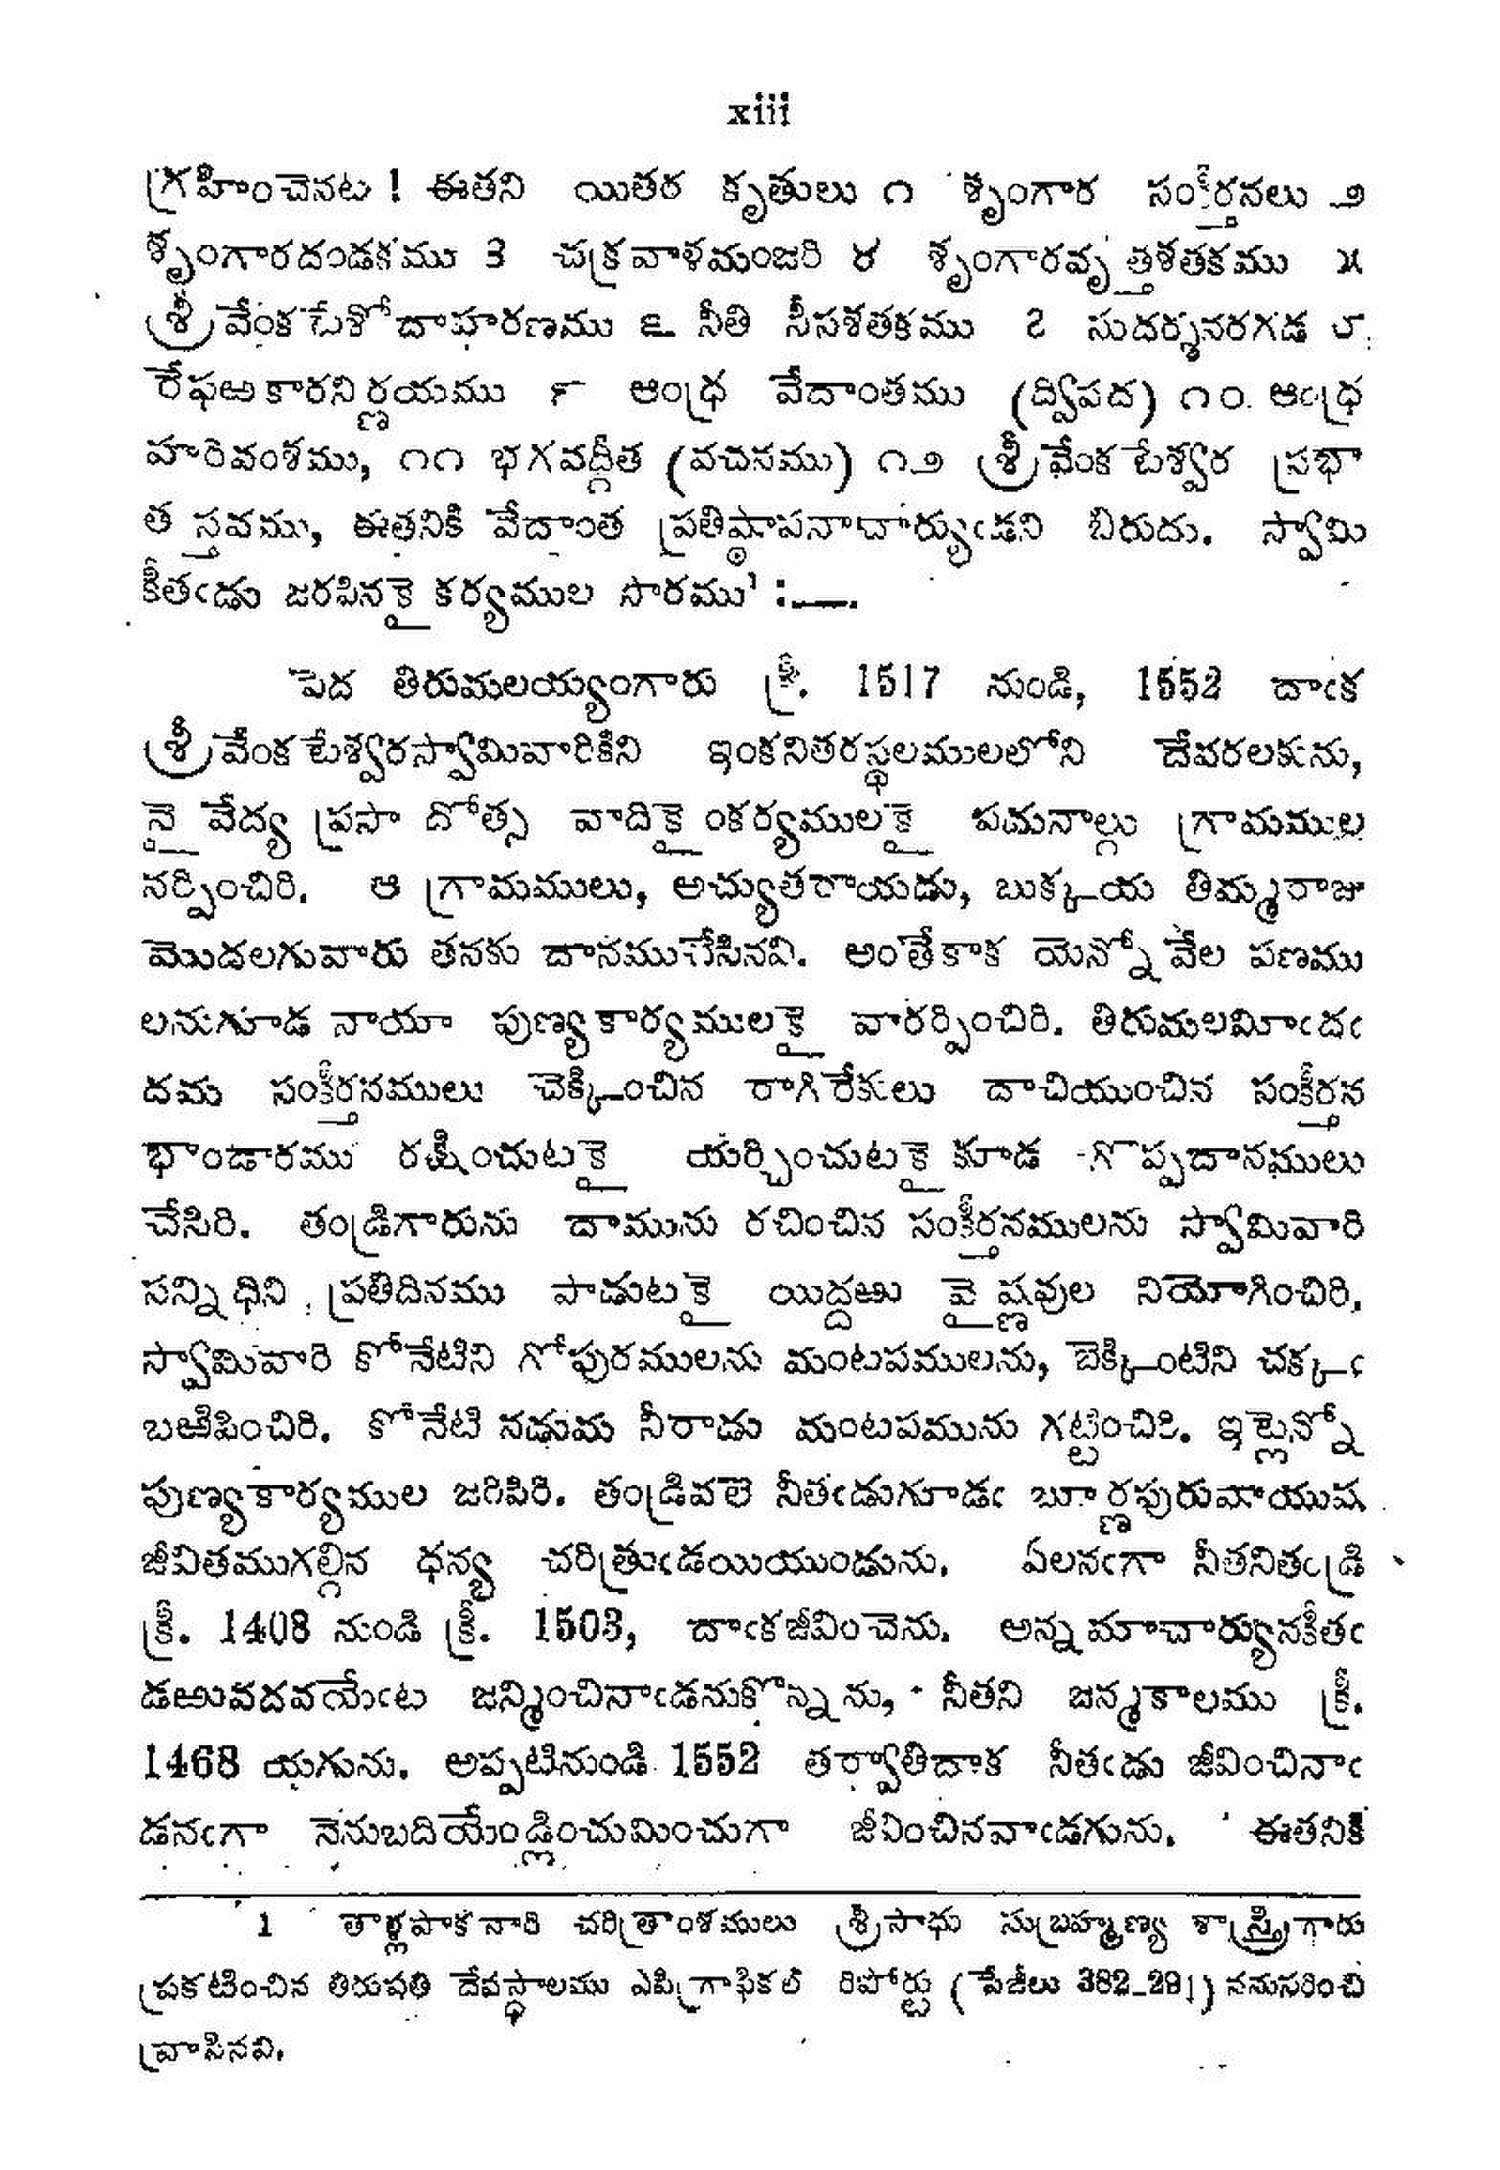గ్రహించెనట! ఈతని యితర కృతులు ౧ శృంగార సంకీర్తనలు ౨ శృంగారదండకము 3 చక్రవాళమంజరి ౪ శృంగారవృత్తశతకము ౫ శ్రీవేంకటేశోదాహరణము ౬ నీతి సీసశతకము ౭ సుదర్శనరగడ ౮ రేఫఱకారనిర్ణయము ౯ ఆంధ్ర వేదాంతము (ద్విపద) ౧౦. ఆంధ్ర హరివంశము, ౧౧ భగవద్గీత (వచనము) ౧౨ శ్రీవేంకటేశ్వర ప్రభాతస్తవము, ఈతనికి వేదాంత ప్రతిష్ఠాపనాచార్యుఁడని బిరుదు. స్వామి కీతఁడు జరపినకైకర్యముల సారము :—

పెద తిరుమలయ్యంగారు క్రీ. 1517 నుండి, 1552 దాఁక శ్రీవేంకటేశ్వరస్వామివారికిని ఇంకనితరస్థలములలోని దేవరలకును, నైవేద్య ప్రసా దోత్స వాదికైంకర్యములకై పదునాల్గు గ్రామముల నర్పించిరి. ఆ గ్రామములు, అచ్యుతరాయడు, బుక్కయ తిమ్మరాజు మొదలగువారు తనకు దానముచేసినవి. అంతేకాక యెన్నో వేల పణములనుగూడ నాయా పుణ్యకార్యములకై వారర్పించిరి. తిరుమలమీఁదఁ దమ సంకీర్తనములు చెక్కించిన రాగిరేకులు దాచియుంచిన సంకీర్తన భాండారము రక్షించుటకై యర్చించుటకైకూడ గొప్పదానములు చేసిరి. తండ్రిగారును దామును రచించిన సంకీర్తనములను స్వామివారి సన్నిధిని ప్రతిదినము పాడుటకై యిద్దఱు వైష్ణవులు నియోగించిరి, స్వామివారి కోనేటిని గోపురములను మంటపములను, బెక్కింటిని చక్కఁబఱిపించిరి. కోనేటి నడుమ నీరాడు మంటపమును గట్టించిరి. ఇట్లెన్నో పుణ్యకార్యముల జరిపిరి. తండ్రివలె నీతఁడుగూడఁ బూర్ణపురుషాయుష జీవితముగల్గిన ధన్య చరిత్రుఁడయియుండును. ఏలనఁగా నీతనితండ్రి క్రీ.1408 నుండి క్రీ.1503, దాఁకజీవించెను. అన్నమాచార్యునకీతఁ డఱువదవయేఁట జన్మించినాఁడనుకొన్నను, నీతని జన్మకాలము క్రీ. 1468 యగును. అప్పటినుండి 1552 తర్వాతిదాక నీతఁడు జీవించినాఁడనఁగా నెనుబదియేండ్లించుమించుగా జీవించినవాఁడగును. ఈతనికి